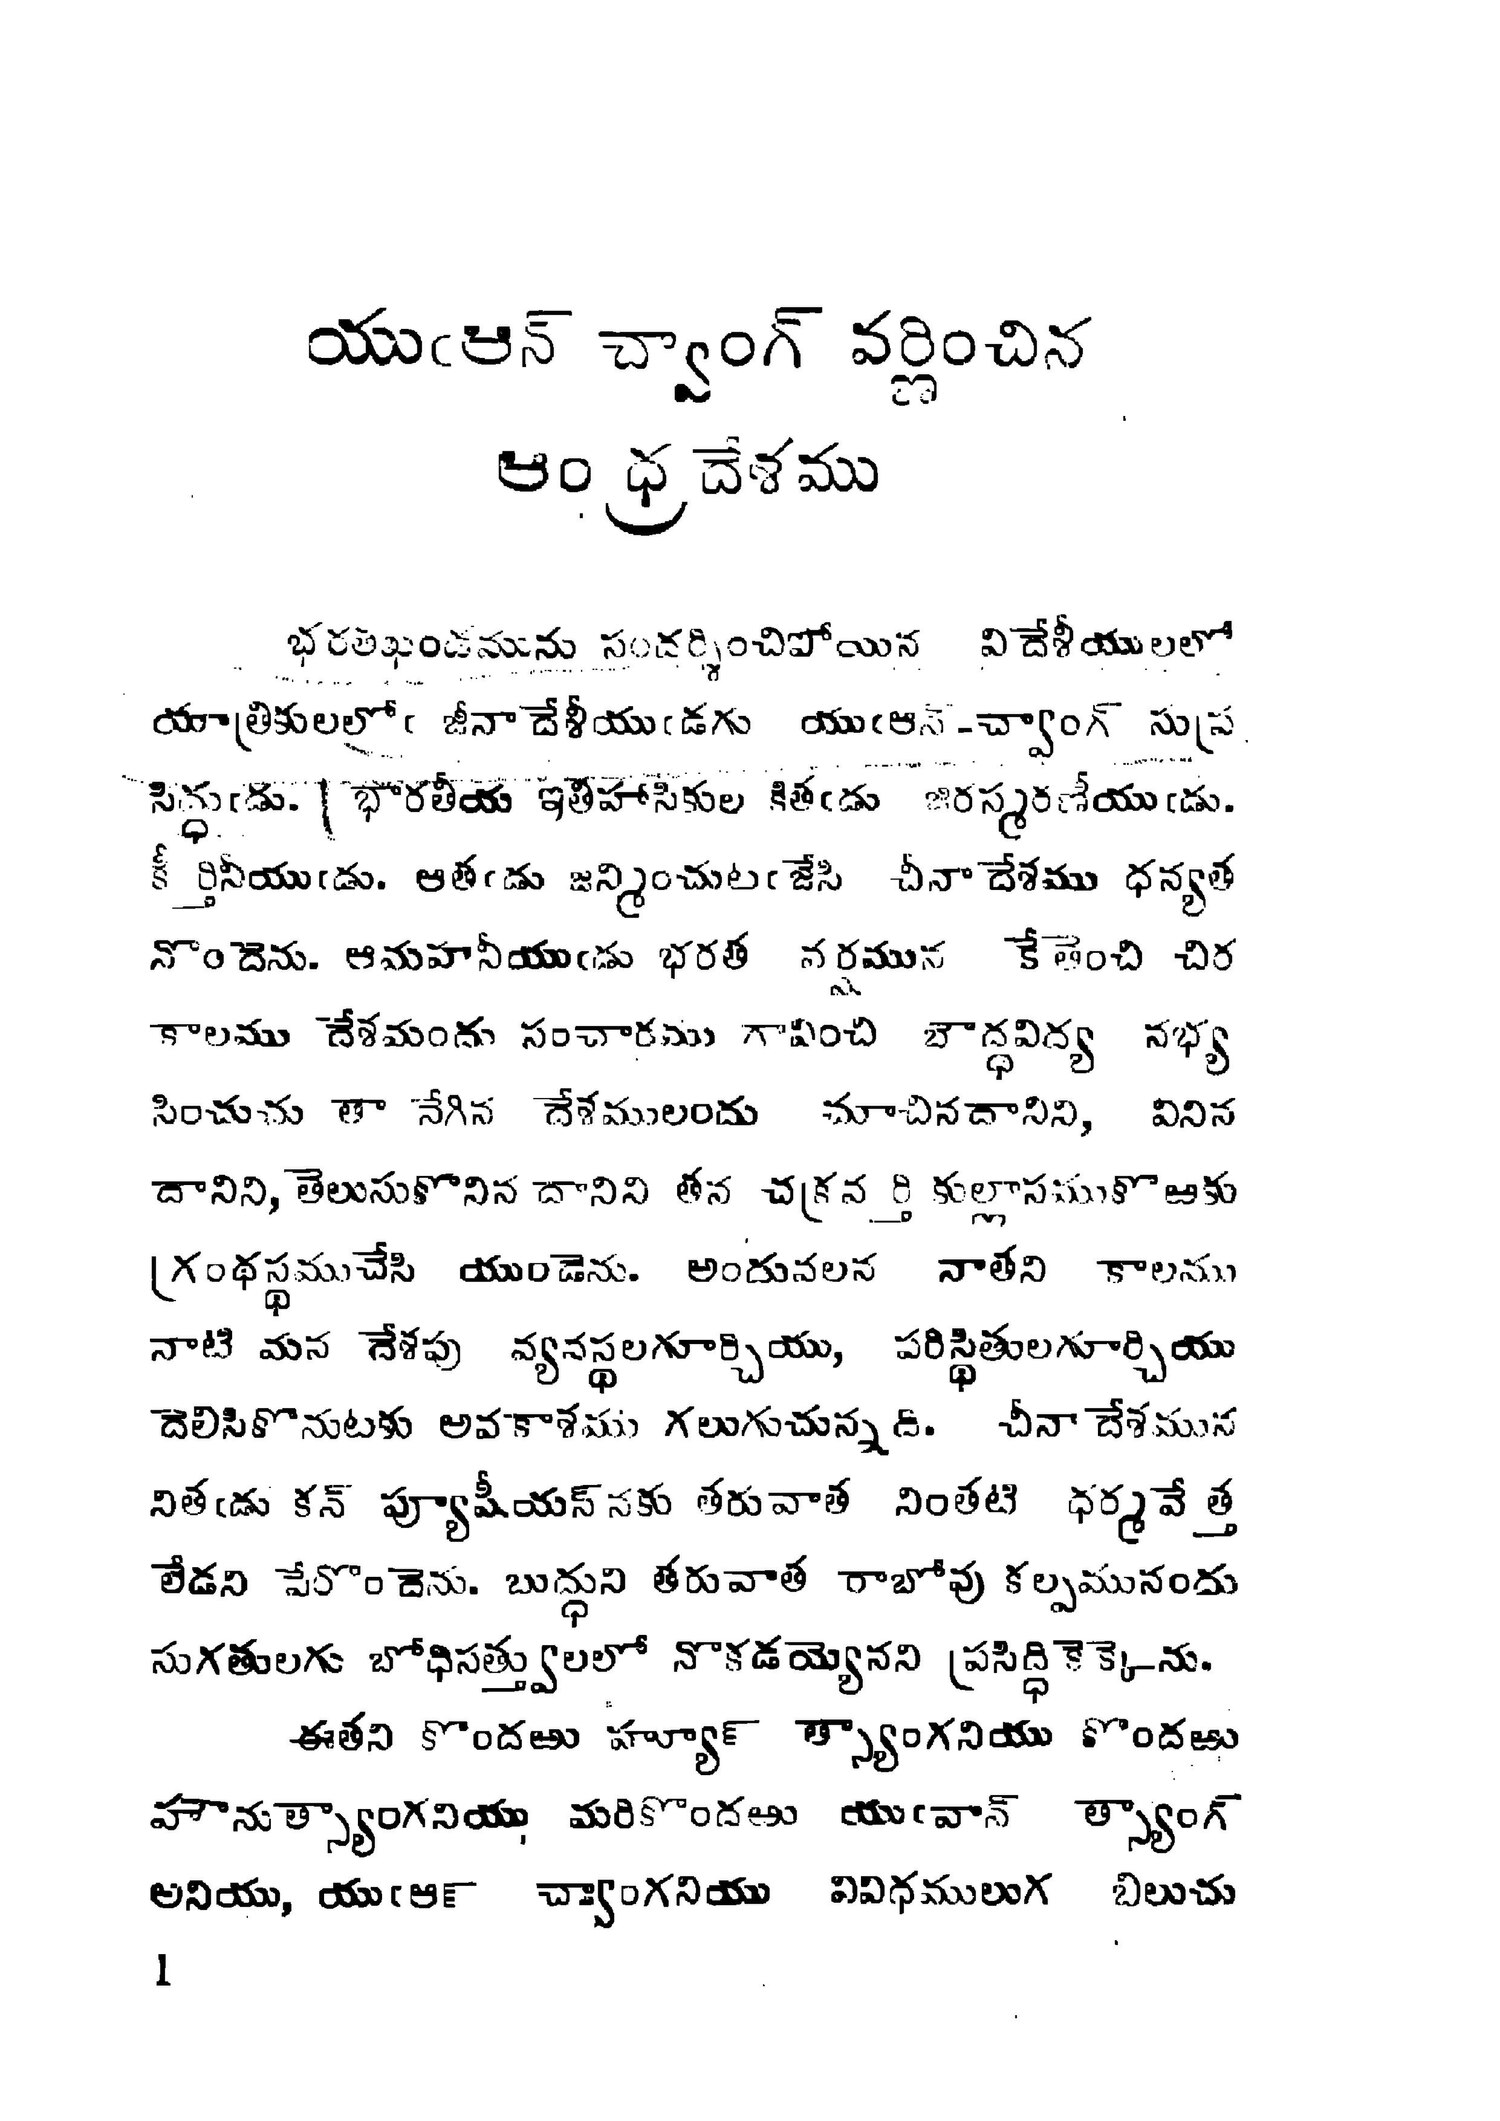భరతఖండమును సందర్శించిపోయిన విదేశీయులలో యాత్రికులలో జీనాదేశీయుఁడగు యుఁఆన్‌-చ్వాంగ్‌ సుప్రసిద్ధుడు. భారతీయ ఇతిహాసికుల కితడు జిరస్మరణీయుడు.కీర్తినీయుడు. అతడు జన్మించుటజేసి చీనాదేశము ధన్యత నొందెను ఆ మహానీయుడు భరత వర్షమున కేతెంచి చిరకాలము దేశమందు సంచారము గావించి బౌద్ధ విద్య నభ్యసించుచు తానేగిన దేశములందు చూచినదానిని, వినిన దానిని, తెలుసుకొనిన దానిని తన చక్రవర్తి కుల్లాసము కొఱకు గ్రంథస్ధము చేసి యుండెను. అందువలన నాతని కాలము నాటి మన దేశపు వ్యవస్థల గూర్చియు, పరిస్థితుల గూర్చియు దెలిసికొనుటకు అవకాశము గలుగుచున్నది. చీనాదేశమున నితడు కన్‌ప్యూషీయన్‌నకు తరువాత నింతటీ ధర్మవేత్త లేడని పేరొందెను. బుద్ధుని తరువాత రాబోవు కల్పమునందు సుగతులగు బోధిసత్త్వులలో నొకడయ్యెనని ప్రసిద్ధికెక్కెను.

ఈతని కొందఱు హ్యూ౯ త్స్యాంగనియు కొందఱు హౌనుత్స్యాంగనియు మరికొందఱు యుఁవాన్‌ త్స్యాంగ్‌ అని యు, యుఁఆౝ చ్వాంగనియు వివిధములుగ బిలుచు
1